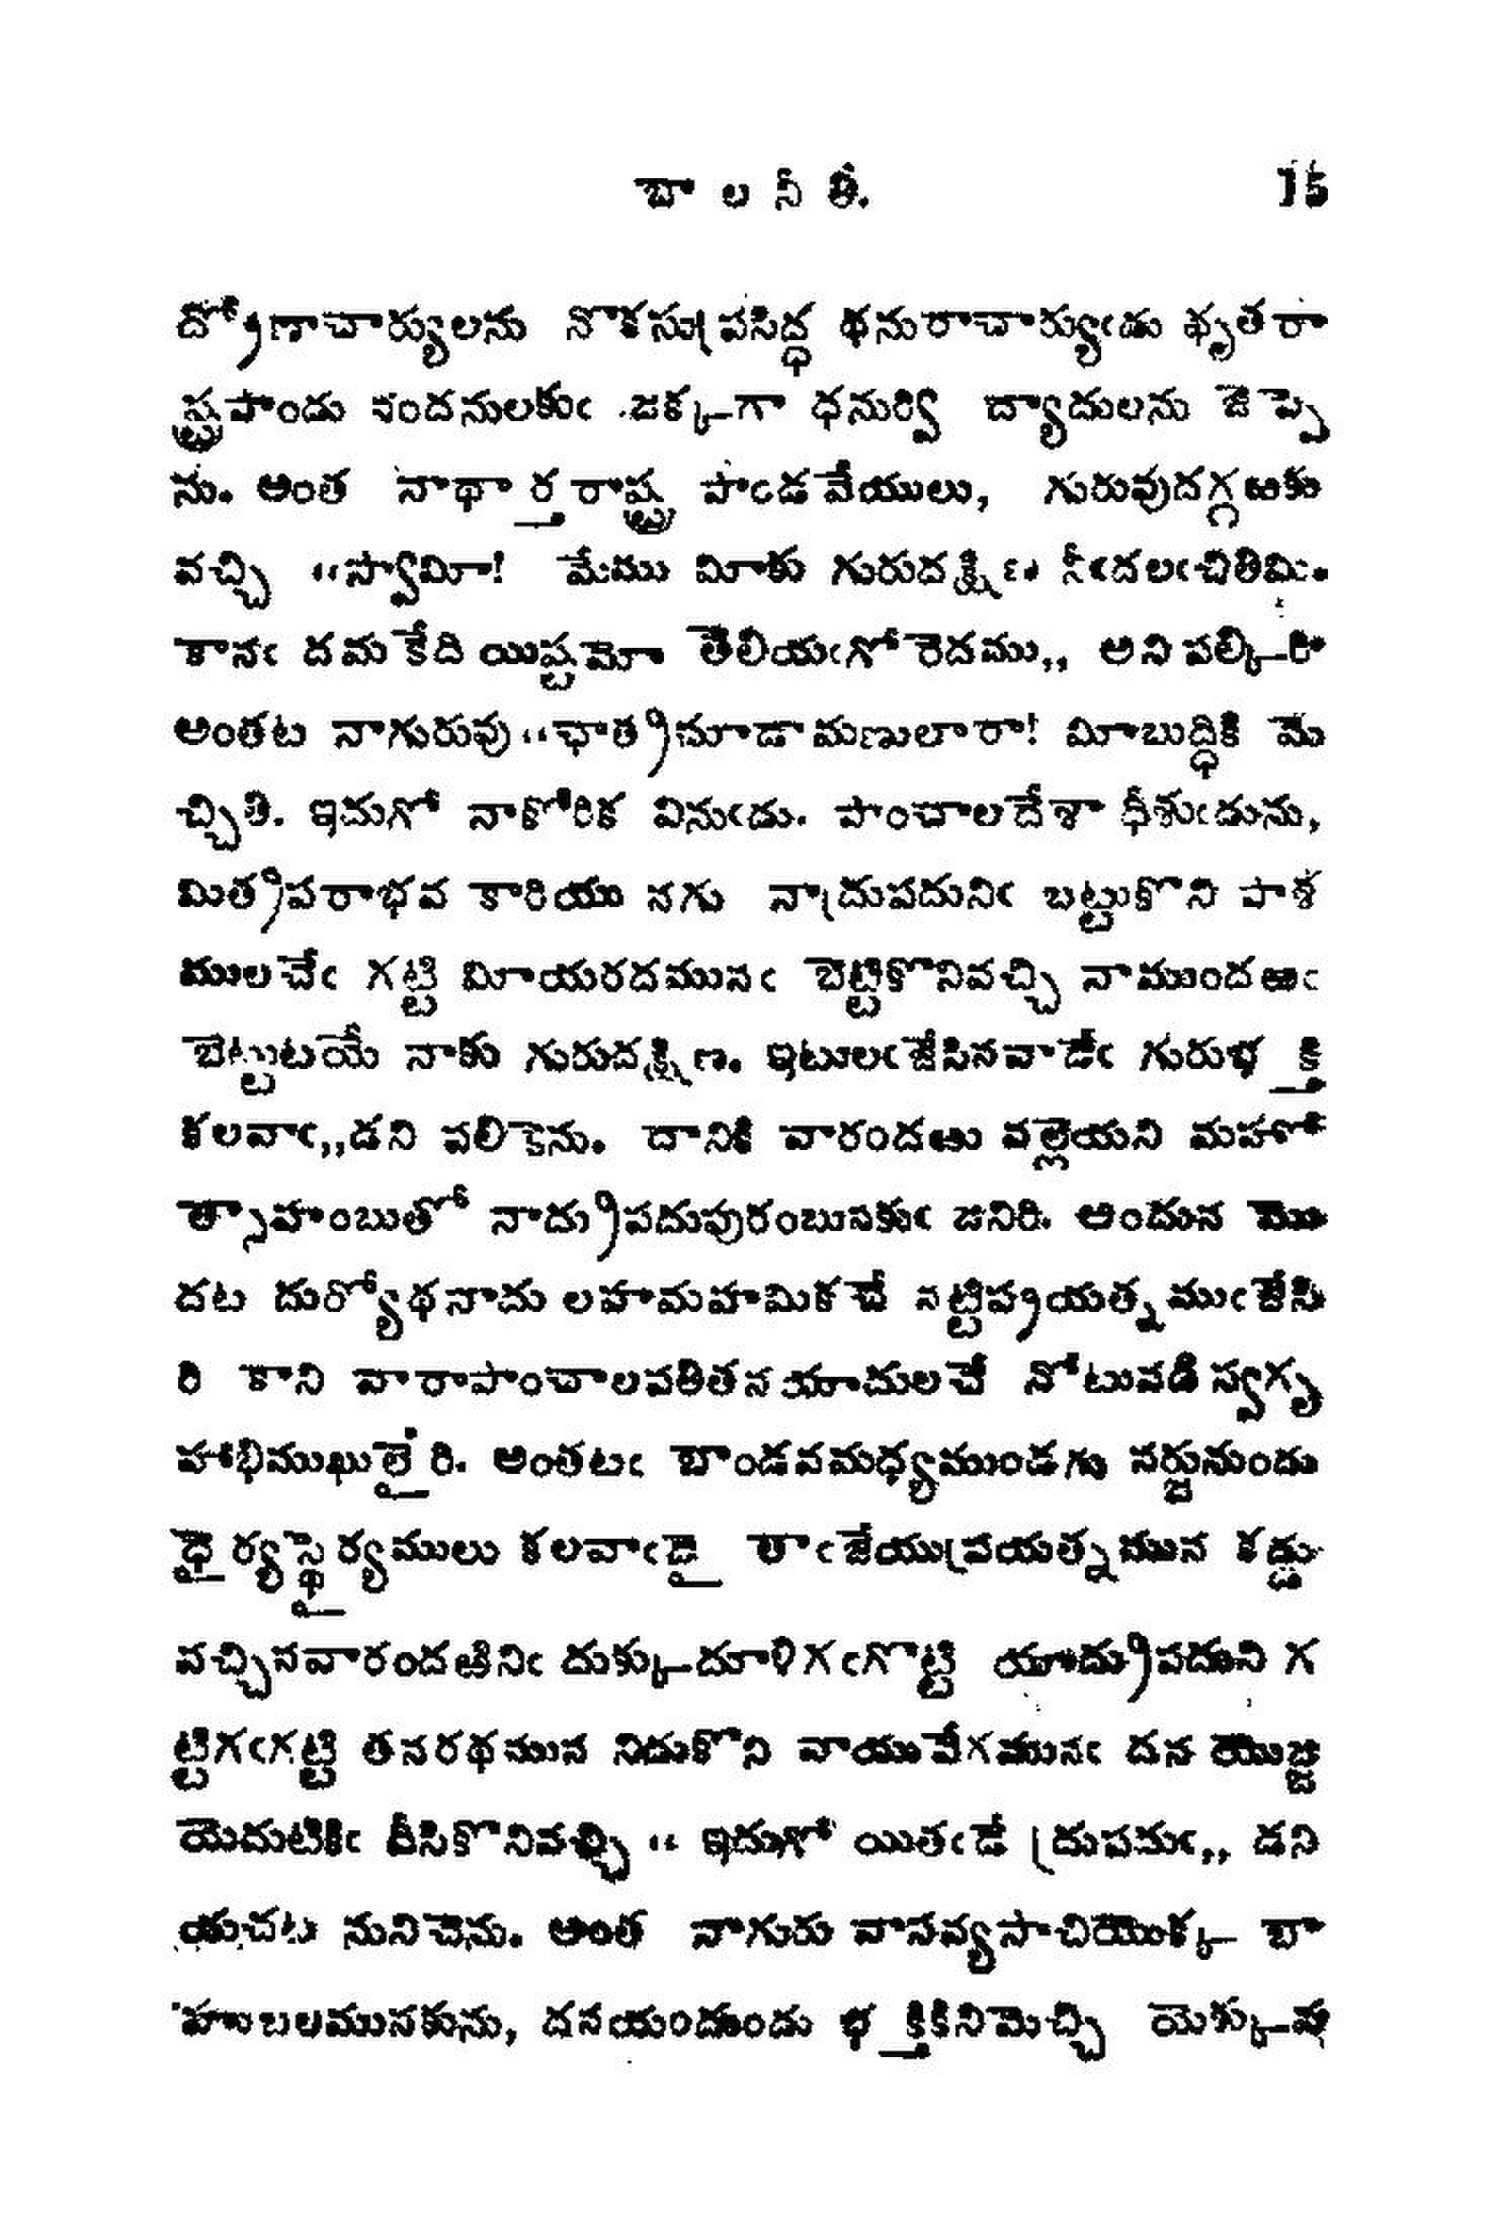ద్రోణాచార్యులను నొకసుప్రసిద్ధ ధనురాచార్యుఁడు ధృతరా
ష్ట్రపాండు నందనులకుఁ జక్కగా ధనుర్వి ధ్యాదులను జెప్పె
ను. అంత నాథార్తరాష్ట్ర పాండవేయులు, గురువుదగ్గఱకు 
వచ్చి "స్వామీ! మేము మీకు గురుదక్షిణ నీఁదలఁచితిమి. 
కానఁ దమకేది యిష్టమో తెలియఁగోరెదము. అని పల్కిరి. 
అంతట నాగురువు "ఛాత్రచూడామణులారా! మీబుద్దికి మె
చ్చితి.ఇదుగో నాకోరిక వినుఁడు. పాంచాలదేశా ధీశుఁడును, 
మిత్రపరాభవ కారియు నగు నాద్రుపదునిఁ బట్టుకొని పాశ
ములచేఁ గట్టి మీయరదమునఁ బెట్టికొనివచ్చి నాముందఱఁ 
బెట్టుటయే నాకు గురుదక్షిణ. ఇటులఁజేసినవాడేఁ గురుభక్తి 
కలవాఁ"డని పలికెను. దానికి వారందఱు వల్లెయని మహో
త్సాహంబుతో నాద్రుపదుపురంబునకు జనిరి. అందున మొ
దట దుర్యోధనాదు లహమహమికచే నట్టిప్రయత్నముఁజేసి
రి కాని వారాపాంచాలపతితనయాదులచే నోటువడి స్వగృ
హాభిముఖులైరి. అంతటఁ బాండవమధ్యముండగు నర్జునుండు 
ధైర్యస్థైర్యములు కలవాఁడై తాఁజేయుప్రయత్నమున కడ్దు
వచ్చినవారందఱినిఁ దుక్కుదూళిగఁగొట్టి యాద్రుపదుని గ
ట్టిగఁగట్టి తనరథమున నిడుకొని వాయువేగమునఁ దన యొజ్జ 
యెదుటికిఁ దీసికొనివచ్చి "ఇదుగో యితఁడే ద్రుపదుఁ" డని 
యచట నునిచెను. అంత నాగురు నాసవ్యసాచియొక్క బా
హుబలమునకును, దనయందుండు భక్తికినిమెచ్చి యెక్కువ